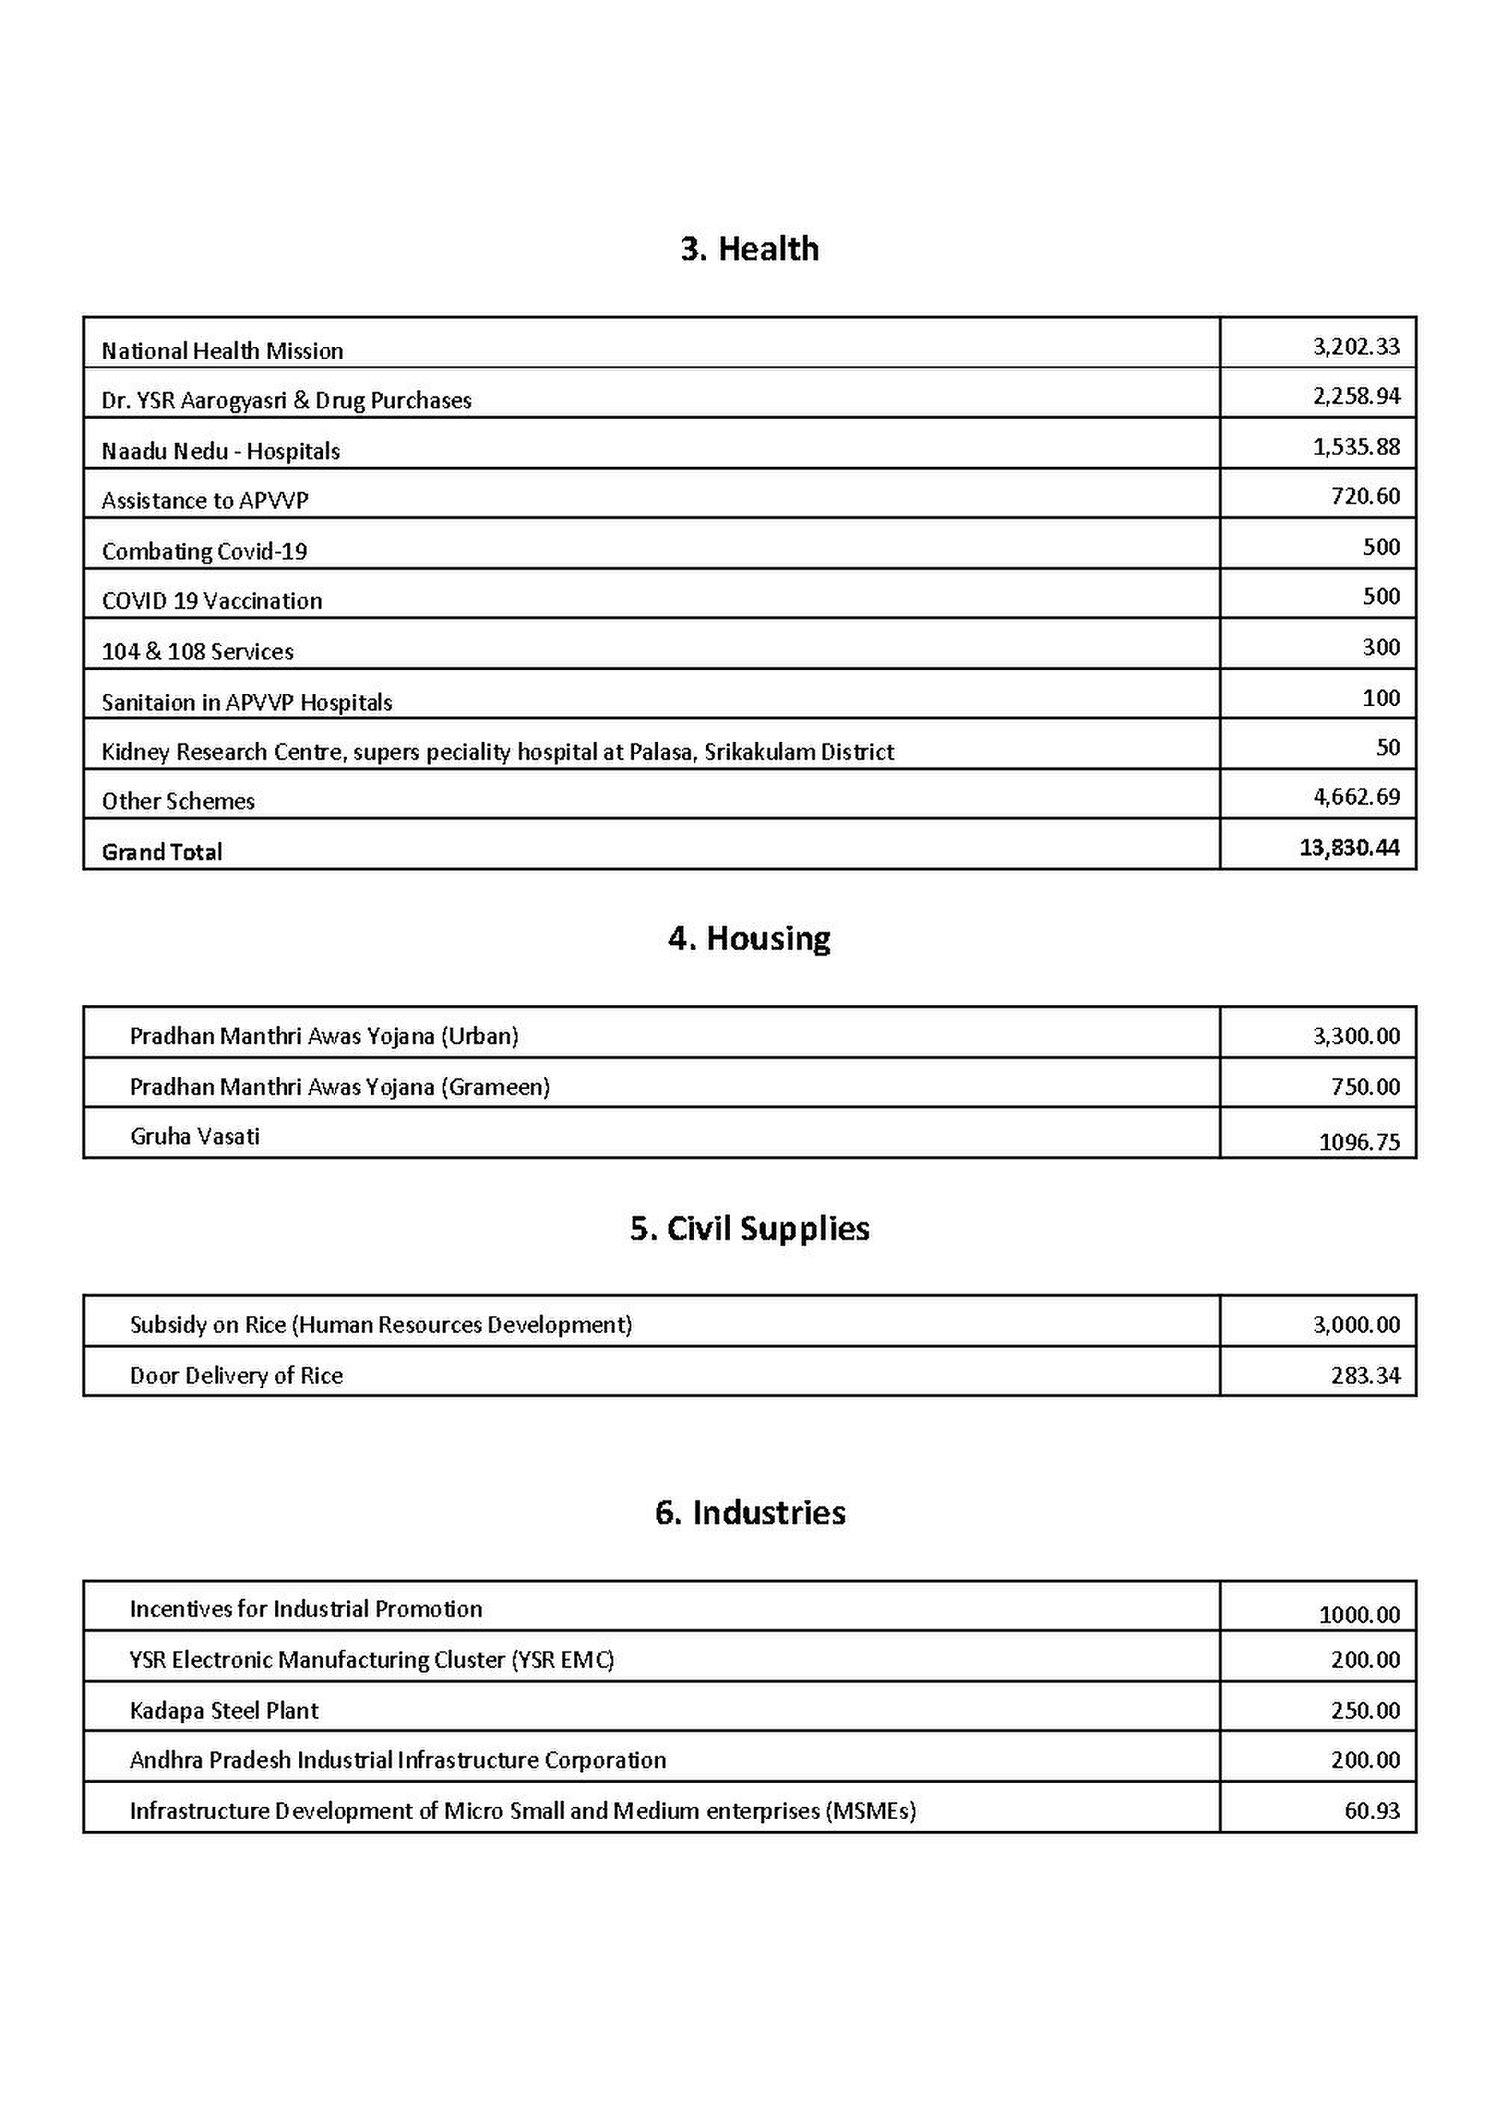3. Health

 National Health Mission 3,202.33 Dr. YSR Aarogyasri & Drug Purchases 2,258.94 Naadu Nedu ­ Hospitals 1,535.88 Assistance to APVVP 720.60 Combating Covid­19 500 COVID 19 Vaccination 500 104 & 108 Services 300 Sanitaion in APVVP Hospitals 100 Kidney Research Centre, supers peciality hospital at Palasa, Srikakulam District 50 Other Schemes 4,662.69 Grand Total 13,830.44

4. Housing

 Pradhan Manthri Awas Yojana (Urban) 3,300.00 Pradhan Manthri Awas Yojana (Grameen) 750.00 Gruha Vasati 1096.75

5. Civil Supplies

 Subsidy on Rice (Human Resources Development) 3,000.00 Door Delivery of Rice 283.34

6. Industries

 Incentives for Industrial Promotion 1000.00 YSR Electronic Manufacturing Cluster (YSR EMC) 200.00 Kadapa Steel Plant 250.00 Andhra Pradesh Industrial Infrastructure Corporation 200.00 Infrastructure Development of Micro Small and Medium enterprises (MSMEs) 60.93